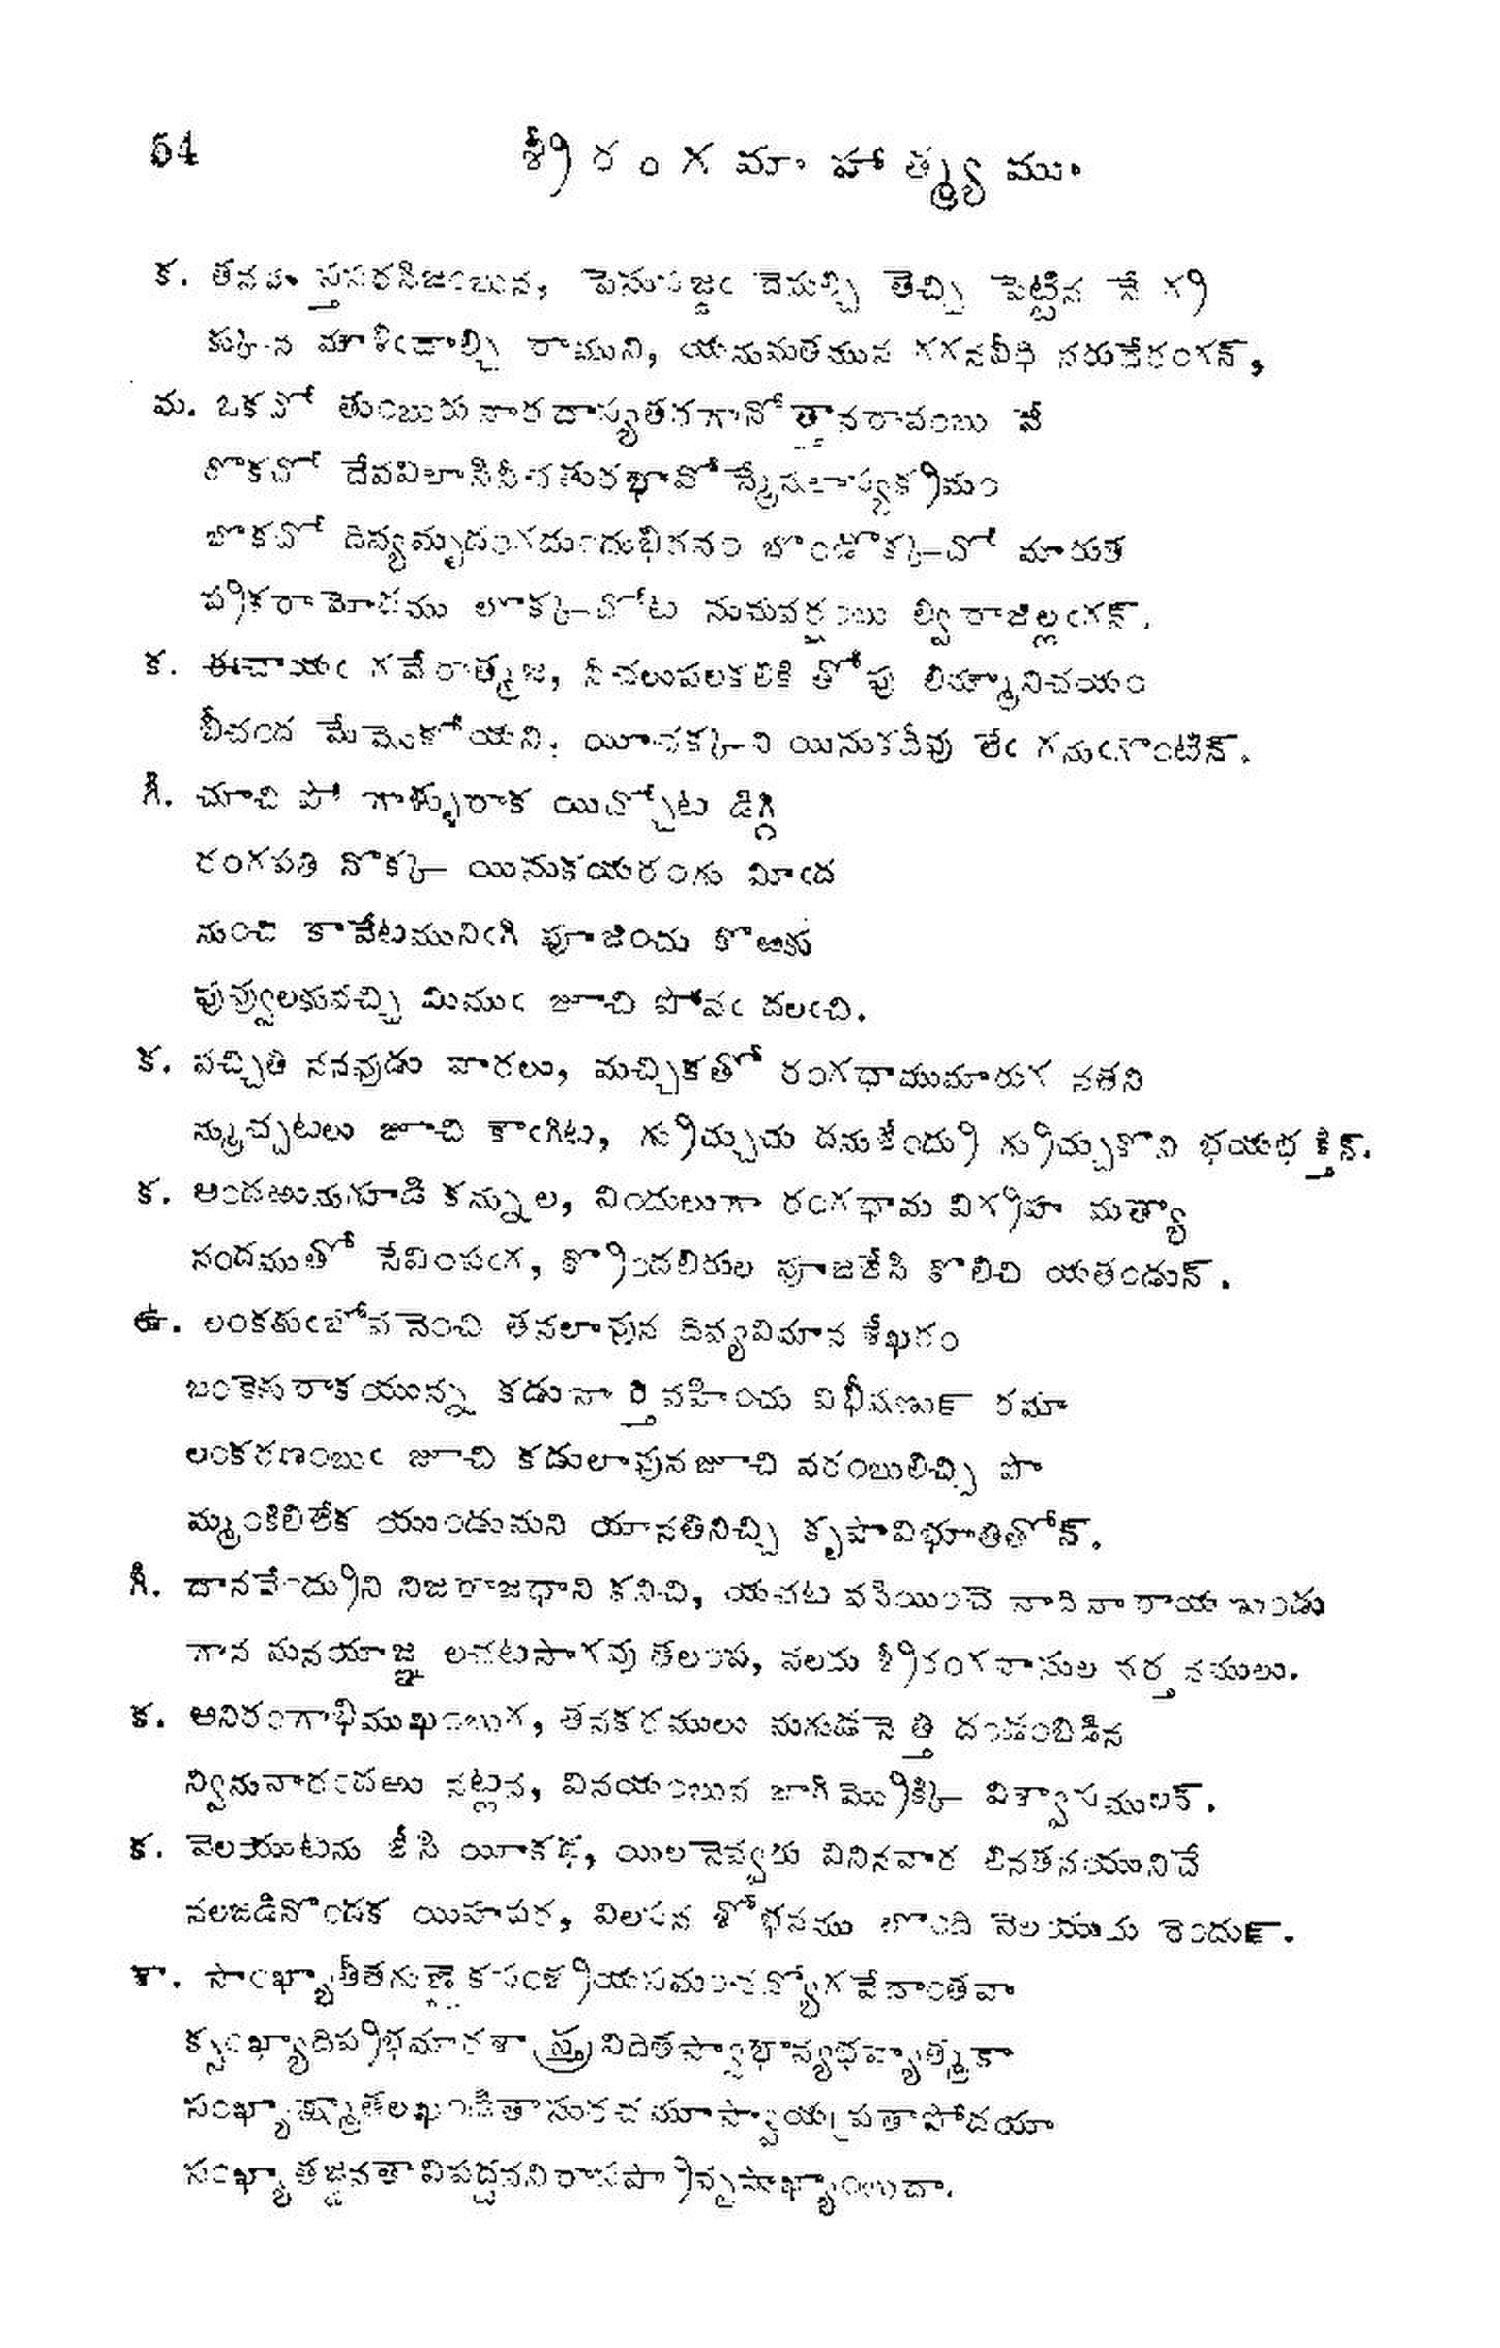క. తనహస్తసరసిజంబున, పెనుసజ్జఁ దెమల్చి తెచ్చి పెట్టిన నే గ్ర
 క్కున మౌళిఁ దాల్చి రాముని, యనుమతమున గగనవీథి నరుదేరంగన్.
మ. ఒకచే తుంబురునారదాస్యతరగానోత్తానరావంబు వే
 రొకచో దేవవిలాసినీచతురభావోన్మేషలాస్యక్రమం
 బొకచో దివ్యమృదంగదుందుభిరవం బొండొక్కచో మారుత
 ప్రకరామోదము లొక్కచోట సుమవర్షంబు ల్విరాజిల్లఁగన్.
క. ఈచాయఁ గవేరాత్మజ, నీచలుపలకలికితోపు లిమ్మౌనిచయం
 బీచంద మేమొకోయని, యీచక్కని యిసుకదీవు లేఁ గనుఁగొంటిన్.
గీ. చూచి పో గాళ్ళురాక యిచ్చోట డిగ్గి
 రంగపతి నొక్కయిసుకయరంగుమీఁద
 నుంచి కావేటమునిఁగి పూజించు కొఱకు
 పువ్వులకు వచ్చి మిముఁ జూచి పోవఁ దలఁచి.
క. వచ్చితి ననవుడు వారలు, మచ్చికతో రంగధాముమారుగ నతని
 న్ముచ్చటలు జూచి కౌఁగిట, గ్రుచ్చుచు దనుజేంద్రు గ్రుచ్చుకొని భయభక్తిన్.
క. అందఱును గూడి కన్నుల, విందులుగా రంగధామ విగ్రహ మత్యా
 నందముతో సేవింపఁగ, క్రొందలిరుల పూజకేసి కొలిచి యతండున్.
ఉ. లంకకుఁ బోవ నెంచి తనలావున దివ్యవిమానశేఖరం
 బంకెకు రాకయున్న కడునార్తి వహించు విభీషణున్ రమా
 లంకరణంబుఁ జూచి కడులావున జూచి వరంబులిచ్చి పొ
 మ్మంకిలిలేక యుండుమని యానతినిచ్చి కృపావిభూతితోన్.
గీ. దానవేంద్రుని నిజరాజధాని కనిచి, యచట వసియించె నాదినారాయణుండు
 గాన మనయాజ్ఞ లచట సాగవు తలంప, వలదు శ్రీరంగవాసుల వర్తనములు.
క. అని రంగాభిముఖంబుగ, తనకరములు మగుడనెత్తి దండంబిడిన
 న్వినునారందఱు నట్లన, వినయంబున జాగి మ్రొక్కి విశ్వాసములన్.
క. వెలయుటను జేసి యీకథ, యిల నెవ్వరు వినినవార లినతనయునిచే
 నలజడినొందక యిహపర, విలసనశోభనము లొంది నెలముదు రెందున్.
శా. సాంఖ్యాతీరగుణైకసంశ్రయసమంచద్యోగవేదాంతవా
 క్సంఖ్యాదిప్రభమారశాస్త్రవిదితస్వాభావ్యభవ్యాత్మకా
 సంఖ్యాక్ష్మాతలఖండితాసురచమూస్వాయప్రతాపోదయా
 సంఖ్యాతజ్జనతావిపద్దననిరాసప్రావృషాఖ్యాంబుదా.